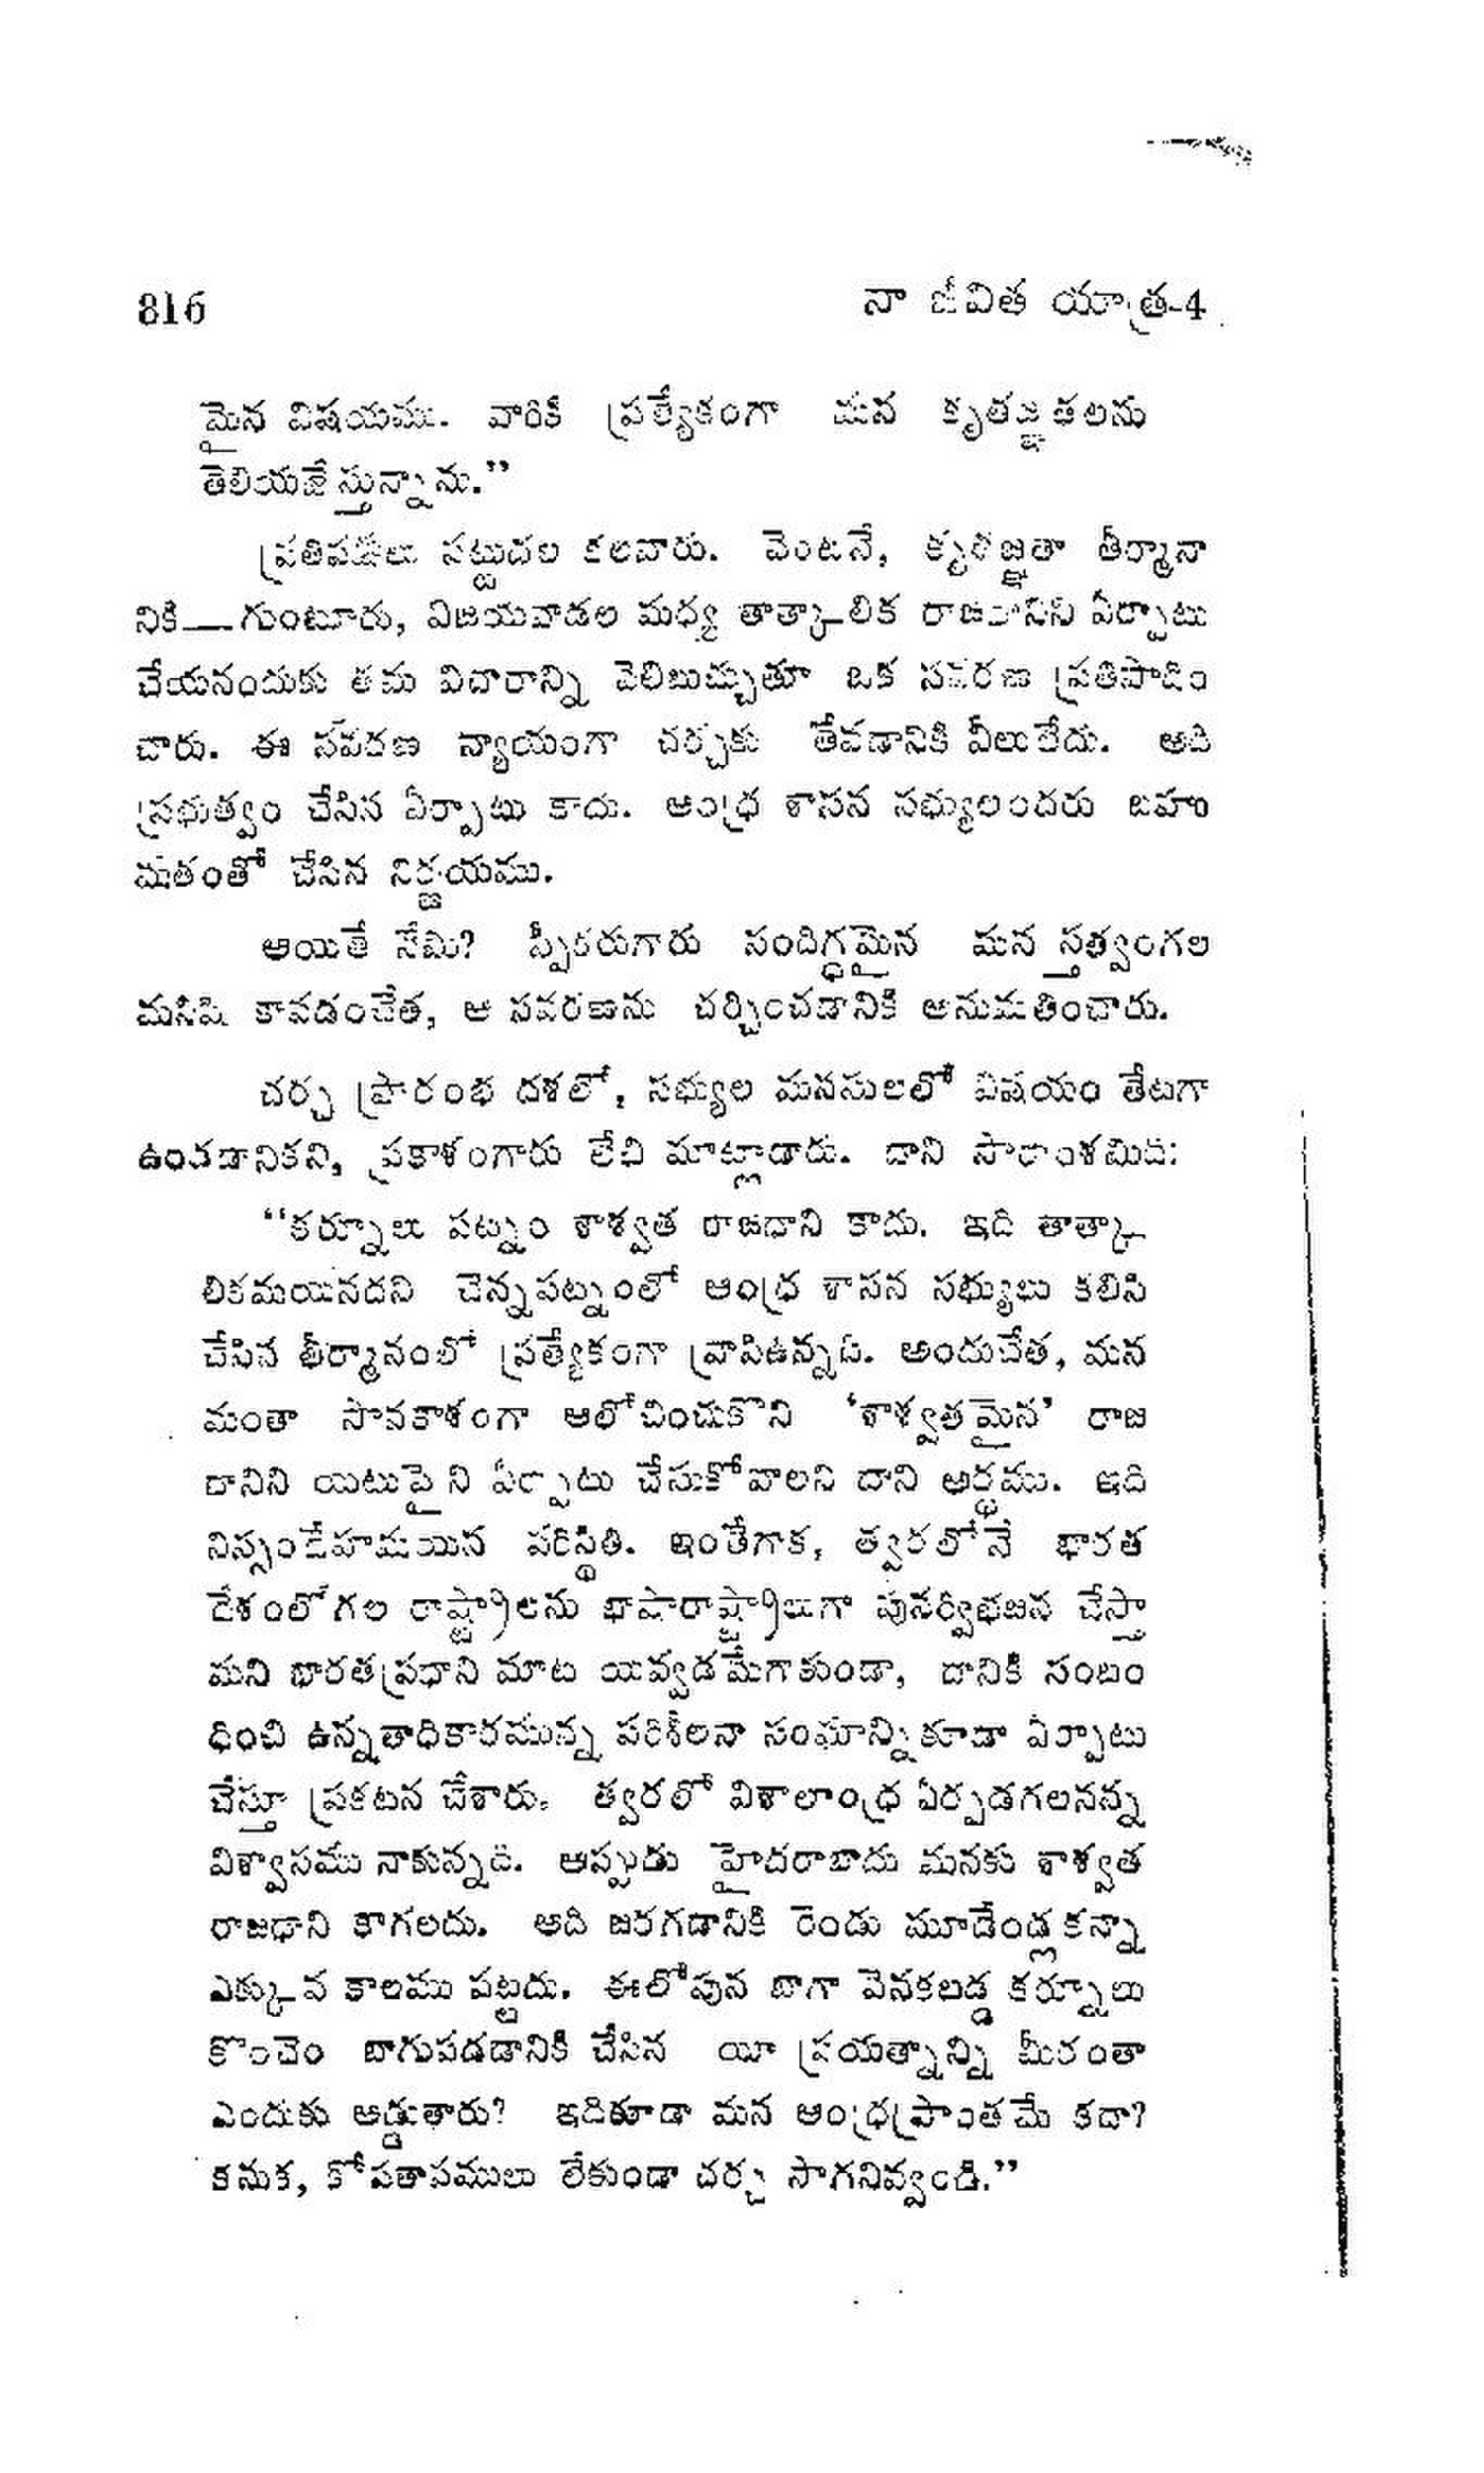మైన విషయము. వారికి ప్రత్యేకంగా మన కృతజ్ఞతలను తెలియజేస్తున్నాను."

ప్రతిపక్షులు పట్టుదల కలవారు. వెంటనే, కృతజ్ఞతా తీర్మానానికి - గుంటూరు, విజయవాడల మధ్య తాత్కాలిక రాజధానిని ఏర్పాటు చేయనందుకు తమ విచారాన్ని వెలిబుచ్చుతూ ఒక సవరణ ప్రతిపాదించారు. ఈ సవరణ న్యాయంగా చర్చకు తేవడానికి వీలులేదు. అది ప్రభుత్వం చేసిన ఏర్పాటు కాదు. ఆంధ్ర శాసన సభ్యులందరు బహుమతంతో చేసిన నిర్ణయము.

అయితే నేమి? స్పీకరుగారు సందిగ్ధమైన మనస్తత్వంగల మనిషి కావడంచేత, ఆ సవరణను చర్చించడానికి అనుమతించారు.

చర్చ ప్రారంభ దశలో, సభ్యుల మనసులలో విషయం తేటగా ఉండడానికని, ప్రకాశంగారు లేచి మాట్లాడారు. దాని సారాంశమిది:

"కర్నూలు పట్నం శాశ్వత రాజధాని కాదు. ఇది తాత్కాలికమయినదని చెన్నపట్నంలో ఆంధ్ర శాసన సభ్యులు కలిసి చేసిన తీర్మానంలో ప్రత్యేకంగా వ్రాసిఉన్నది. అందుచేత, మనమంతా సావకాశంగా ఆలోచించుకొని 'శాశ్వతమైన' రాజదానిని యిటుపైని ఏర్పాటు చేసుకోవాలని దాని అర్థము. ఇది నిస్సందేహమయిన పరిస్థితి. ఇంతేగాక, త్వరలోనే భారత దేశంలోగల రాష్ట్రాలను భాషారాష్ట్రాలుగా పునర్విభజన చేస్తామని భారతప్రధాని మాట యివ్వడమేగాకుండా, దానికి సంబంధించి ఉన్నతాధికారమున్న పరిశీలనా సంఘాన్ని కూడా ఏర్పాటు చేస్తూ ప్రకటన చేశారు. త్వరలో విశాలాంధ్ర ఏర్పడగలనన్న విశ్వాసము నాకున్నది. అప్పుడు హైదరాబాదు మనకు శాశ్వత రాజధాని కాగలదు. అది జరగడానికి రెండు మూడేండ్లకన్నా ఎక్కువ కాలము పట్టదు. ఈలోపున బాగా వెనకబడ్డ కర్నూలు కొంచెం బాగుపడడానికి చేసిన యీ ప్రయత్నాన్ని మీరంతా ఎందుకు అడ్డుతారు? ఇదికూడా మన ఆంధ్రప్రాంతమే కదా? కనుక, కోపతాపములు లేకుండా చర్చ సాగనివ్వండి."